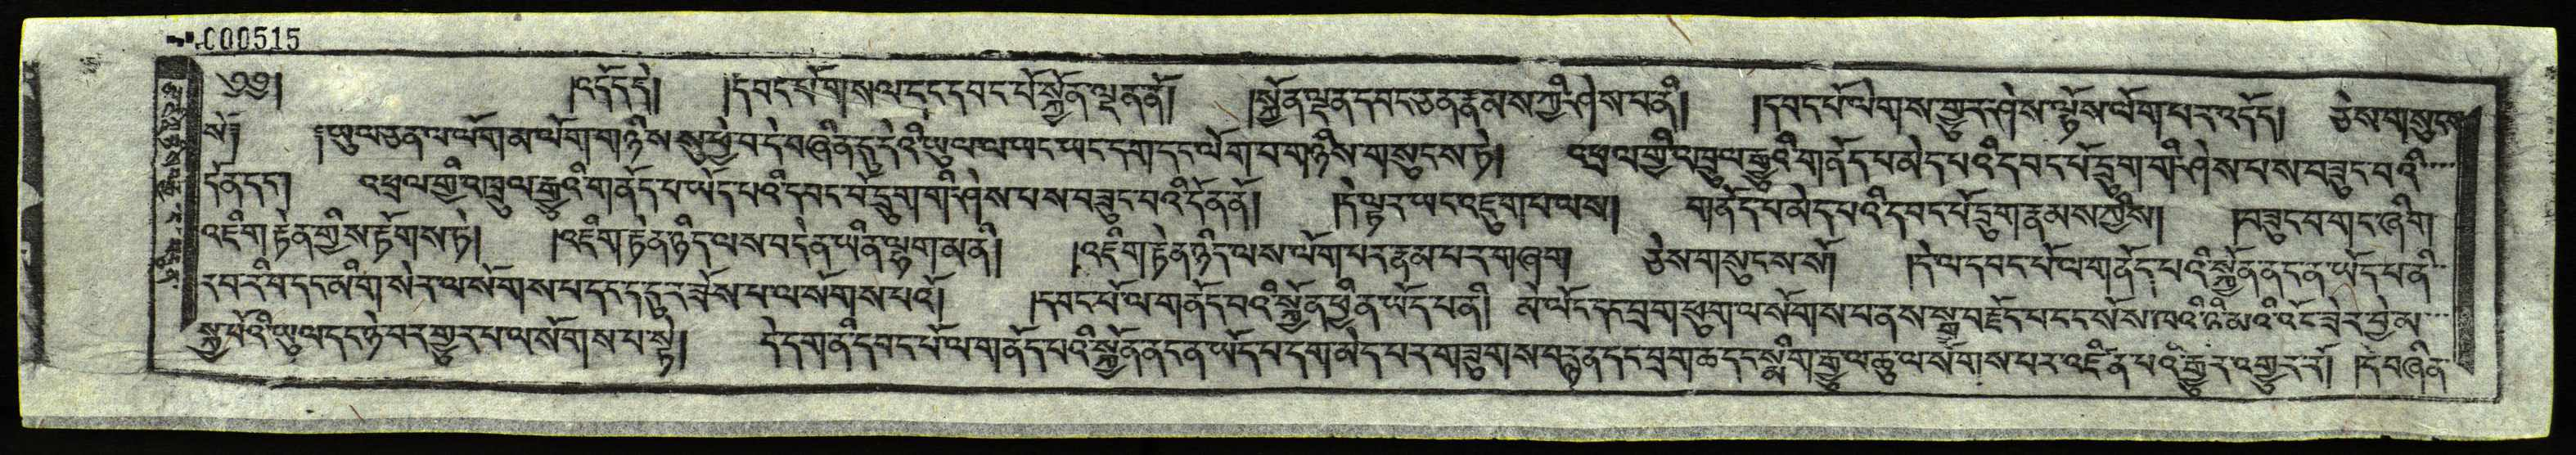༄༅། །འདོད་དེ། །དབང་པོ་གསལ་དང་དབང་པོ་སྐྱོན་ལྡན་ནོ། །སྐྱོན་ལྡན་དབང་ཅན་རྣམས་ཀྱི་ཤེས་པ་ནི། །དབང་པོ་ལེགས་གྱུར་ཤེས་ལྟོས་ལོག་པར་འདོད། ཅེས་གསུངས་
སོ༑ ༑ཡུལ་ཅན་ལ་ལོག་མ་ལོག་གཉིས་སུ་ཕྱེ་བ་དེ་བཞིན་དུ་དེའི་ཡུལ་ལ་ཡང་ཡང་དག་དང་ལོག་པ་གཉིས་གསུངས་ཏེ། འཕྲལ་གྱི་འཁྲུལ་རྒྱུའི་གནོད་པ་མེད་པའི་དབང་པོ་དྲུག་གི་ཤེས་པས་བཟུང་བའི་
དོན་དང་། འཕྲལ་གྱི་འཁྲུལ་རྒྱུའི་གནོད་པ་ཡོད་པའི་དབང་པོ་དྲུག་གི་ཤེས་པས་བཟུང་བའི་དོན་ནོ། །དེ་ལྟར་ཡང་འཇུག་པ་ལས། གནོད་པ་མེད་པའི་དབང་པོ་དྲུག་རྣམས་ཀྱིས། །བཟུང་པ་གང་ཞིག་
འཇིག་རྟེན་གྱིས་རྟོགས་ཏེ། །འཇིག་རྟེན་ཉིད་ལས་བདེན་ཡིན་ལྷག་མ་ནི། །འཇིག་རྟེན་ཉིད་ལས་ལོག་པར་རྣམ་པར་གཞག་ཅེས་གསུངས་སོ། །དེ་ལ་དབང་པོ་ལ་གནོད་པའི་སྐྱོན་ནང་ན་ཡོད་པ་ནི་
རབ་རིབ་དང་མིག་སེར་ལ་སོགས་པ་དང་ད་དུ་ར་ཟོས་པ་ལ་སོགས་པའོ། །དབང་པོ་ལ་གནོད་པའི་སྐྱོན་ཕྱིན་ཡོད་པ་ནི། མེ་ལོང་དང་བྲག་ཕུག་ལ་སོགས་པ་ནས་སྒྲ་བརྗོད་པ་དང་སོས་ཁའི་ཉི་མའི་འོད་ཟེར་བྱེ་མ་
སྐྱ་པོའི་ཡུལ་དང་ཉེ་བར་གྱུར་པ་ལ་སོགས་པ་སྟེ། དེ་དག་ནི་དབང་པོ་ལ་གནོད་པའི་སྐྱོན་ནང་ན་ཡོད་པ་དག་མེད་པར་གཟུགས་བརྙན་དང་བྲག་ཆ་དང་སྨིག་རྒྱུ་ལ་ཆུ་ལ་སོགས་པར་འཛིན་པའི་རྒྱུར་འགྱུར་རོ། །དེ་བཞིན་